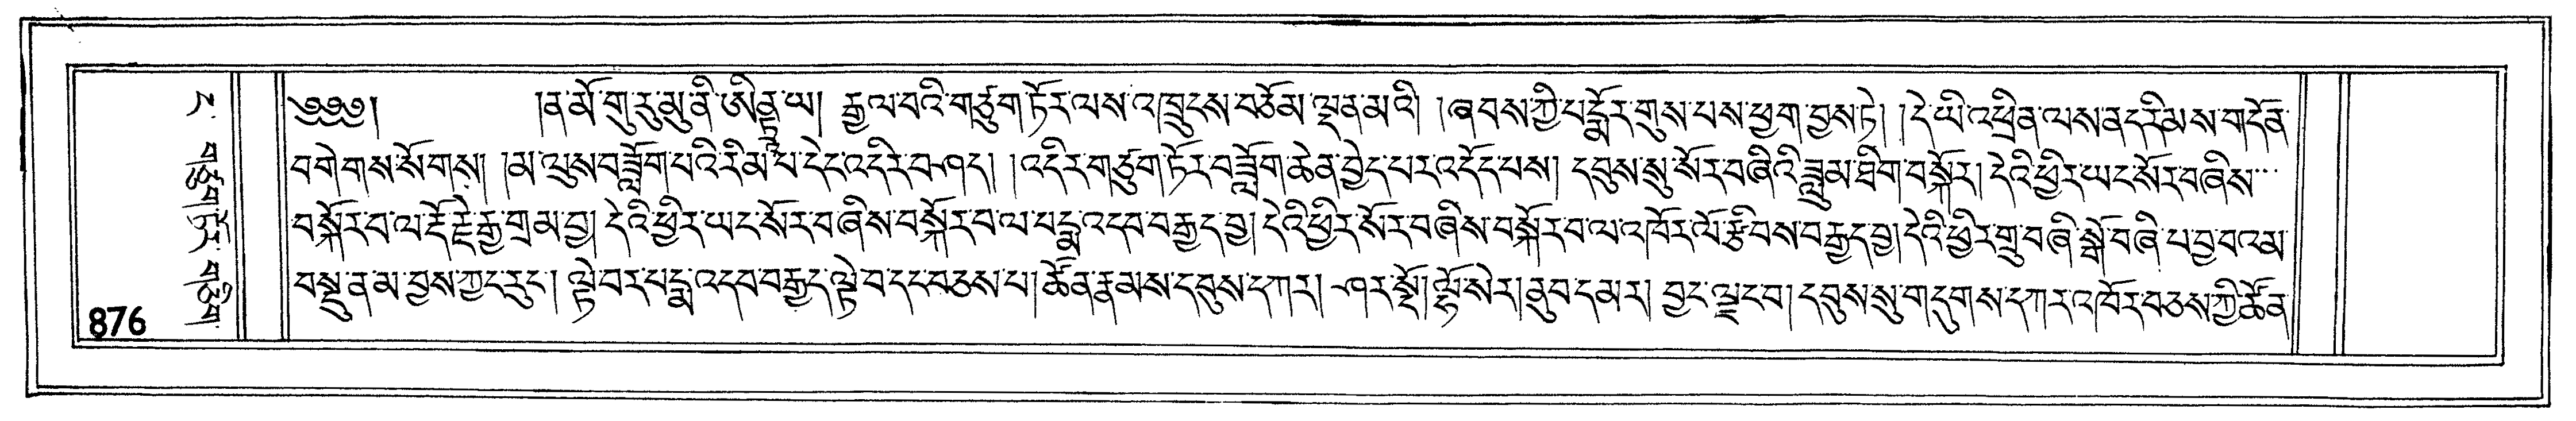༄༅༅། །ན་མོ་གུ་རུ་མུ་ནི་ཨིནྟྲཱ་ཡ། རྒྱལ་བའི་གཙུག་ཏོར་ལས་འཁྲུངས་བཅོམ་ལྡན་མའི། །ཞབས་ཀྱི་པདམོར་གུས་པས་ཕྱག་བྱས་ཏེ། །དེ་ཡི་འཕྲིན་ལས་ནད་རིམས་གདོན་
བགེགས་སོགས། །མ་ལུས་བཟློག་པའི་རིམ་པ་དེང་འདིར་བཤད། །འདིར་གཙུག་ཏོར་བཟློག་ཆེན་བྱེད་པར་འདོད་པས། དབུས་སུ་སོར་བཞིའི་ཟླུམ་ཐིག་བསྐོར། དེའི་ཕྱིར་ཡང་སོར་བཞིས་
བསྐོར་བ་ལ་རྡོ་རྗེ་རྒྱ་གྲམ་བྱ། དེའི་ཕྱིར་ཡང་སོར་བཞིས་བསྐོར་བ་ལ་པདམ་འདབ་བརྒྱད་བྱ། དེའི་ཕྱིར་སོར་བཞིས་བསྐོར་བ་ལ་འཁོར་ལོ་རྩིབས་བརྒྱད་བྱ། དེའི་ཕྱིར་གྲུ་བཞི་སྒོ་བཞི་པ་བྱ་བའམ་
བསྡུ་ན་མ་བྱས་ཀྱང་རུང་། ལྟེ་བར་པདམ་འདབ་བརྒྱད་ལྟེ་བ་དང་བཅས་པ། ཚོན་རྣམས་དབུས་དཀར། ཤར་སྔོ། ལྷོ་སེར། ནུབ་དམར། བྱང་ལྗང་བ། དབུས་སུ་གདུགས་དཀར་འཁོར་བཅས་ཀྱི་ཚོན་